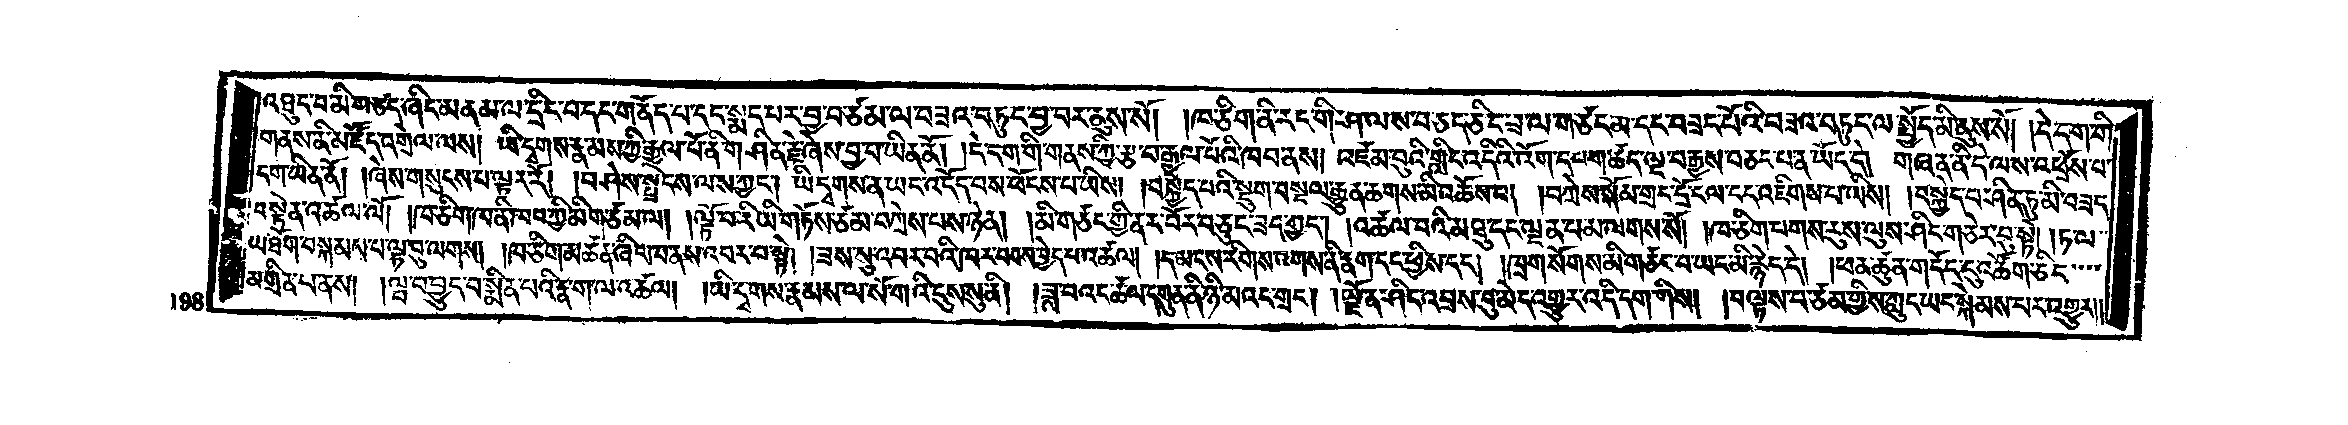འཐུང་བ་མི་གཙང་ཞིང་མནམ་ལ་དྲི་ང་བ་དང་གནོད་པ་དང་སྨད་པར་བྱ་བ་ཙམ་ལ་བཟའ་བཏུང་བྱ་བར་ནུས་སོ། །ཁ་ཅིག་ནི་རང་གི་ཤ་ལས་བཅད་ཅིང་ཟ་ལ་གཙང་མ་དང་བཟང་པོའི་བཟའ་བཏུང་ལ་སྤྱོད་མི་ནུས་སོ། །དེ་དག་གི་
གནས་ནི་མཛོད་འགྲེལ་ལས། ཡི་དྭགས་རྣམས་ཀྱི་རྒྱལ་པོ་ནི་གཤིན་རྗེ་ཞེས་བྱ་བ་ཡིན་ནོ། །དེ་དག་གི་གནས་ཀྱི་རྩ་བ་རྒྱལ་པོའི་ཁབ་ནས། འཛམ་བུའི་གླིང་འདིའི་འོག་དཔག་ཚད་ལྔ་བརྒྱས་བཅད་པ་ན་ཡོད་དེ། གཞན་ནི་དེ་ལས་འཕྲོས་པ་
དག་ཡིན་ནོ། །ཞེས་གསུངས་པ་ལྟར་རོ། །བཤེས་སྤྲིངས་ལས་ཀྱང་། ཡི་དྭགས་ན་ཡང་འདོད་པས་ཕོངས་པ་ཡིས། །བསྐྱེད་པའི་སྡུག་བསྔལ་རྒྱུན་ཆགས་མི་འཆོས་པ། །བཀྲེས་སྐོམ་གྲང་དྲོ་ངལ་དང་འཇིགས་པ་ཡིས། །བསྐྱེད་པ་ཤིན་ཏུ་མི་བཟད་
བསྟེན་འཚལ་ལོ། །ཁ་ཅིག་ཁ་ནི་ཁབ་ཀྱི་མིག་ཙམ་ལ། །ལྟོ་བ་རི་ཡི་གཏོས་ཙམ་བཀྲེས་པས་ཉེན། །མི་གཙང་གྱི་ནར་བོར་བ་ཅུང་ཟད་ཀྱང་། །འཚལ་བའི་མཐུ་དང་ལྡན་པ་མ་ལགས་སོ། །ཁ་ཅིག་པགས་རུས་ལུས་ཤིང་གཅེར་བུ་སྟེ། །ཏ་ལ་
ཡ་ཐོག་བསྐམས་པ་ལྟ་བུ་ལགས། །ཁ་ཅིག་མཚན་ཞིང་ཁ་ནས་འབར་བ་སྟེ། །ཟས་སུ་འབར་བའི་ཁར་བབས་བྱེད་པ་འཚལ། །དམངས་རིགས་འགས་ནི་རྣག་དང་ཕྱི་ས་དང་། །ཁྲག་སོགས་མི་གཙང་བ་ཡང་མི་རྙེད་དེ། །ཕན་ཚུན་གདོང་དུ་འཚོག་ཅིང་
མགྲིན་པ་ནས། །ལྦ་བ་བྱུང་བ་སྨིན་པའི་རྣག་ལ་འཚལ། །ཡི་དྭགས་རྣམས་ལ་སོ་གའི་དུས་སུ་ནི། །ཟླ་བའང་ཚ་ལ་དགུན་ནི་ཉི་མའང་གྲང་། །ལྗོན་ཤིང་འབྲས་བུ་མེད་འགྱུར་འདི་དག་གིས། །བལྟས་པ་ཙམ་གྱིས་ཀླུང་ཡང་སྐེམས་པར་འགྱུར། །